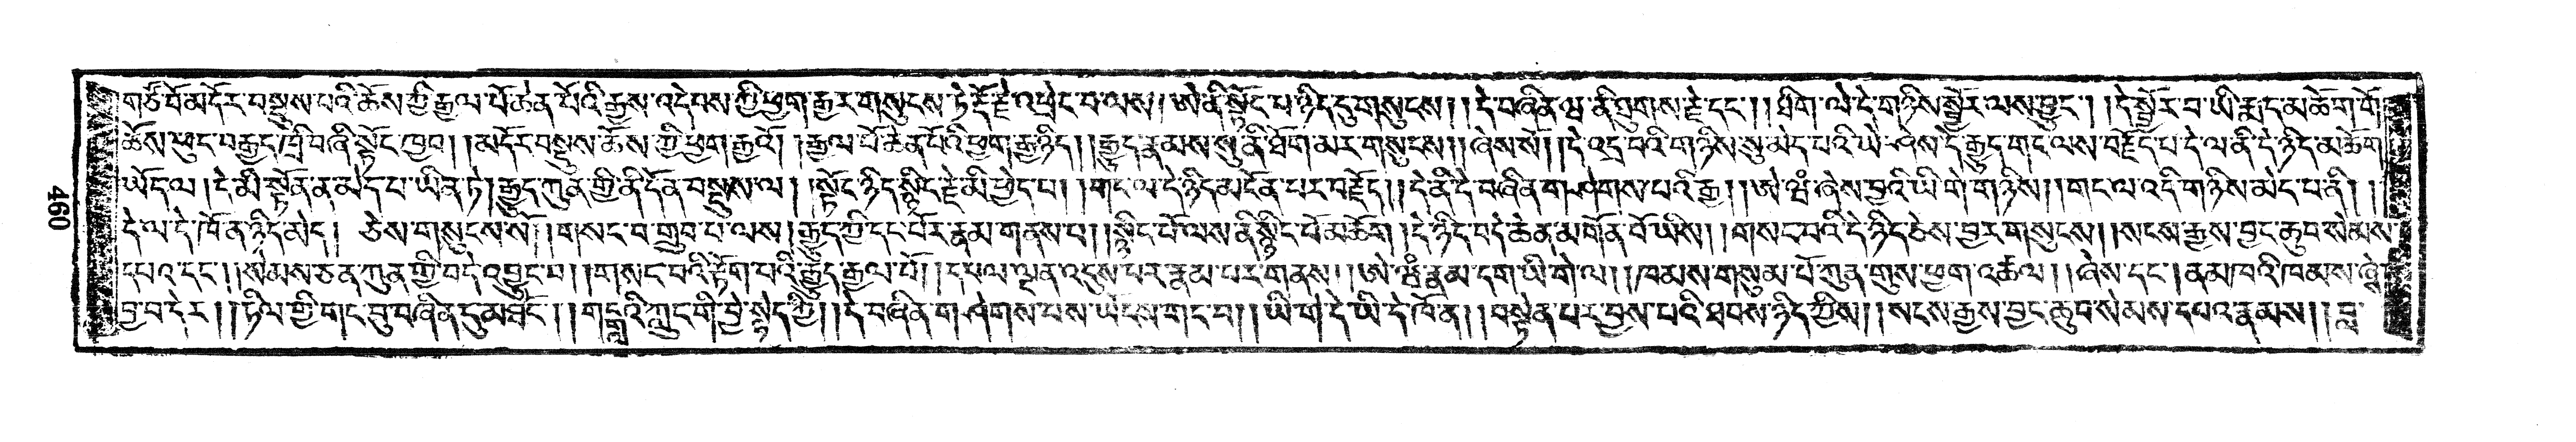གཙོ་བོ་མདོར་བསྡུས་པའི་ཆོས་ཀྱི་རྒྱལ་པོ་ཆེན་པོའི་རྒྱུས་འདེབས་ཀྱི་ཕྱག་རྒྱར་གསུངས་ཏེ་རྡོ་རྗེ་འཕྲེང་བ་ལས། ཨེ་ནི་སྟོང་པ་ཉིད་དུ་གསུངས། །དེ་བཞིན་ཝ་ནི་ཐུགས་རྗེ་དང་། །ཐིག་ལེ་དེ་གཉིས་སྦྱོར་ལས་བྱུང་། །དེ་སྦྱོར་བ་ཡི་རྨད་མཆོག་གོ།
ཆོས་ཕུང་བརྒྱད་ཁྲི་བཞི་སྟོང་ཁྱབ། །མདོར་བསྡུས་ཆོས་ཀྱི་ཕྱག་རྒྱའོ། །རྒྱལ་པོ་ཆེན་པོའི་ཕྱག་རྒྱ་ཉིད། །རྒྱུད་རྣམས་སུ་ནི་ཐོག་མར་གསུངས། །ཞེས་སོ། །དེ་འདྲ་བའི་གཉིས་སུ་མེད་པའི་ཡེ་ཤེས་དེ་རྒྱུད་གང་ལས་བརྗོད་པ་དེ་ལ་ནི་དེ་ཉིད་མཆོག་
ཡོད་ལ། དེ་མི་སྟོན་ན་མེད་པ་ཡིན་ཏེ། རྒྱུད་ཀུན་གྱི་ནི་དོན་བསྡུས་ལ། །སྟོང་ཉིད་སྙིང་རྗེ་མི་ཕྱེད་པ། །གང་ལ་དེ་ཉིད་མངོན་པར་བརྗོད། །དེ་ནི་དེ་བཞིན་གཤེགས་པའི་རྒྱ། །ཨེ་ཝཾ་ཞེས་བྱའི་ཡི་གེ་གཉིས། །གང་ལ་འདི་གཉིས་མེད་པ་ནི། །
དེ་ལ་དེ་ཁོ་ན་ཉིད་མེད། ཅེས་གསུངས་སོ། །གསང་བ་གྲུབ་པ་ལས། རྒྱུད་ཀྱི་དང་པོར་རྣམ་གནས་པ། །སྙིང་པོ་ལས་ནི་སྙིང་པོ་མཆོག །དེ་ཉིད་བདེ་ཆེན་མགོན་པོ་ཡིས། །གསང་བའི་དེ་ཉིད་ཅེས་བྱར་གསུངས། །སངས་རྒྱས་བྱང་ཆུབ་སེམས་
དཔའ་དང་། །སེམས་ཅན་ཀུན་གྱི་བདེ་འབྱུང་བ། །གསང་བའི་རྟོག་པའི་རྒྱུད་རྒྱལ་པོ། །དཔལ་ལྡན་འདུས་པར་རྣམ་པར་གནས། །ཨེ་ཝཾ་རྣམ་དག་ཡི་གེ་ལ། །ཁམས་གསུམ་པོ་ཀུན་གུས་ཕྱག་འཚལ། །ཞེས་དང་། ནམ་མཁའི་ཁམས་ཞེས་
བྱ་བ་དེར། །ཏིལ་གྱི་གང་བུ་བཞིན་དུ་མཐོང་། །གངྒླའི་ཀླུང་གི་བྱེ་སྙེད་ཀྱི། །དེ་བཞིན་གཤེགས་པས་ཡོངས་གང་བ། །ཡི་གེ་དེ་ཡི་ད་ཁོ་ན། །བསྟེན་པར་བྱས་པའི་ཐབས་ཉིད་ཀྱིས། །སངས་རྒྱས་བྱང་ཆུབ་སེམས་དཔའ་རྣམས། །བླ་